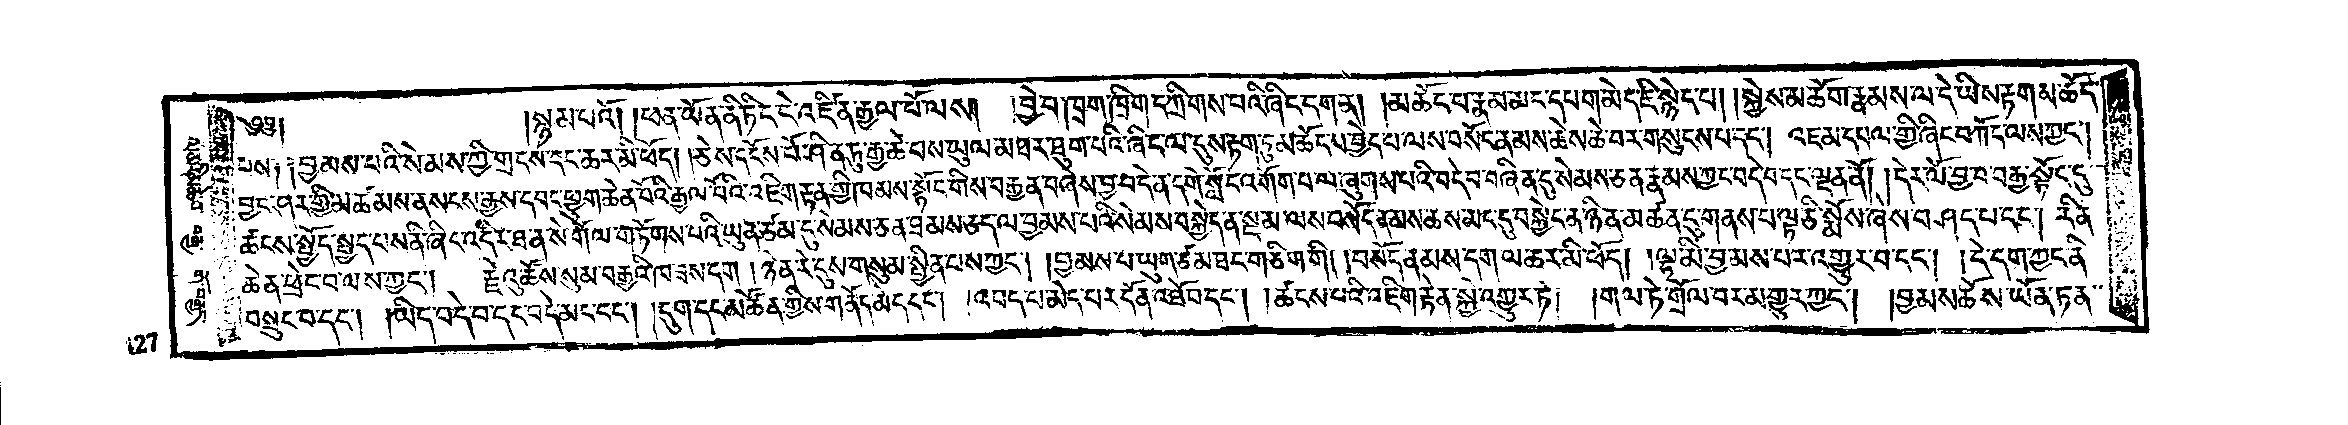༄༅། །སྙམ་པའོ། །ཕན་ཡོན་ནི་ཏིང་ངེ་འཛིན་རྒྱལ་པོ་ལས། བྱེ་བ་ཁྲག་ཁྲིག་དཀྲིགས་པའི་ཞིང་དག་ན། །མཆོད་པ་རྣམ་མང་དབག་མེད་ཇི་སྙེད་པ། །སྐྱེས་མཆོག་རྣམས་ལ་དེ་ཡིས་རྟག་མཆོད་
བས༑ ༑བྱམས་པའི་སེམས་ཀྱི་གྲངས་དང་ཆར་མི་ཕོད། །ཅེས་དངོས་པོ་ཤིན་ཏུ་རྒྱ་ཆེ་བས་ཡུལ་མཐར་ཐུག་པའི་ཞིང་ལ་དུས་རྟག་ཏུ་མཆོད་པ་བྱེད་པ་ལས་བསོད་ནམས་ཆེས་ཆེ་བར་གསུངས་པ་དང་། འཇམ་དཔལ་གྱི་ཞིང་བཀོད་ལས་ཀྱང་།
བྱང་ཤར་གྱི་མཚམས་ནས་སངས་རྒྱས་དབང་ཕྱུག་ཆེན་པོའི་རྒྱལ་པོའི་འཇིག་རྟེན་གྱི་ཁམས་སྟོང་གིས་བརྒྱན་པ་ཞེས་བྱ་བ་དེ་ན་དགེ་སློང་འགོག་པ་ལ་ཞུགས་པའི་བདེ་བ་བཞིན་དུ་སེམས་ཅན་རྣམས་ཀྱང་བདེ་བ་དང་ལྡན་ནོ། །དེར་ལོ་བྱེ་བ་བརྒྱ་སྟོང་དུ་
ཚངས་སྤྱོད་སྤྱད་པས་ནི་ཞིང་འདིར་ཐ་ན་སེ་གོལ་གཏོགས་པའི་ཡུན་ཙམ་དུ་སེམས་ཅན་ཐམས་ཅད་ལ་བྱམས་པའི་སེམས་བསྐྱེད་ན་སྔ་མ་ལས་བསོད་ནམས་ཆེས་མང་དུ་བསྐྱེད་ན་ཉིན་མཚན་དུ་གནས་པ་ལྟ་ཅི་སྨོས་ཞེས་བཤད་པ་དང་། རིན་
ཆེན་ཕྲེང་བ་ལས་ཀྱང་། རྫེའུ་ཚོས་སུམ་བརྒྱའི་ཁ་ཟས་དག །ཉིན་རེ་དུས་གསུམ་སྦྱིན་པས་ཀྱང་། །བྱམས་པ་ཡུད་ཙམ་ཐང་གཅིག་གི། །བསོད་ནམས་དག་ལ་ཆར་མི་ཕོད། །ལྷ་མི་བྱམས་པར་འགྱུར་བ་དང་། །དེ་དག་ཀྱང་ནི་
བསྲུང་བ་དང་། །ཡིད་བདེ་བ་དང་བདེ་མང་དང་། །དུག་དང་མཚོན་གྱིས་གནོད་མེད་དང་། །འབད་པ་མེད་པར་དོན་འཐོབ་དང་། །ཚངས་པའི་འཇིག་རྟེན་སྐྱེ་འགྱུར་ཏེ། །གལ་ཏེ་གྲོལ་བར་མ་གྱུར་ཀྱང་། །བྱམས་ཆོས་ཡོན་ཏན་